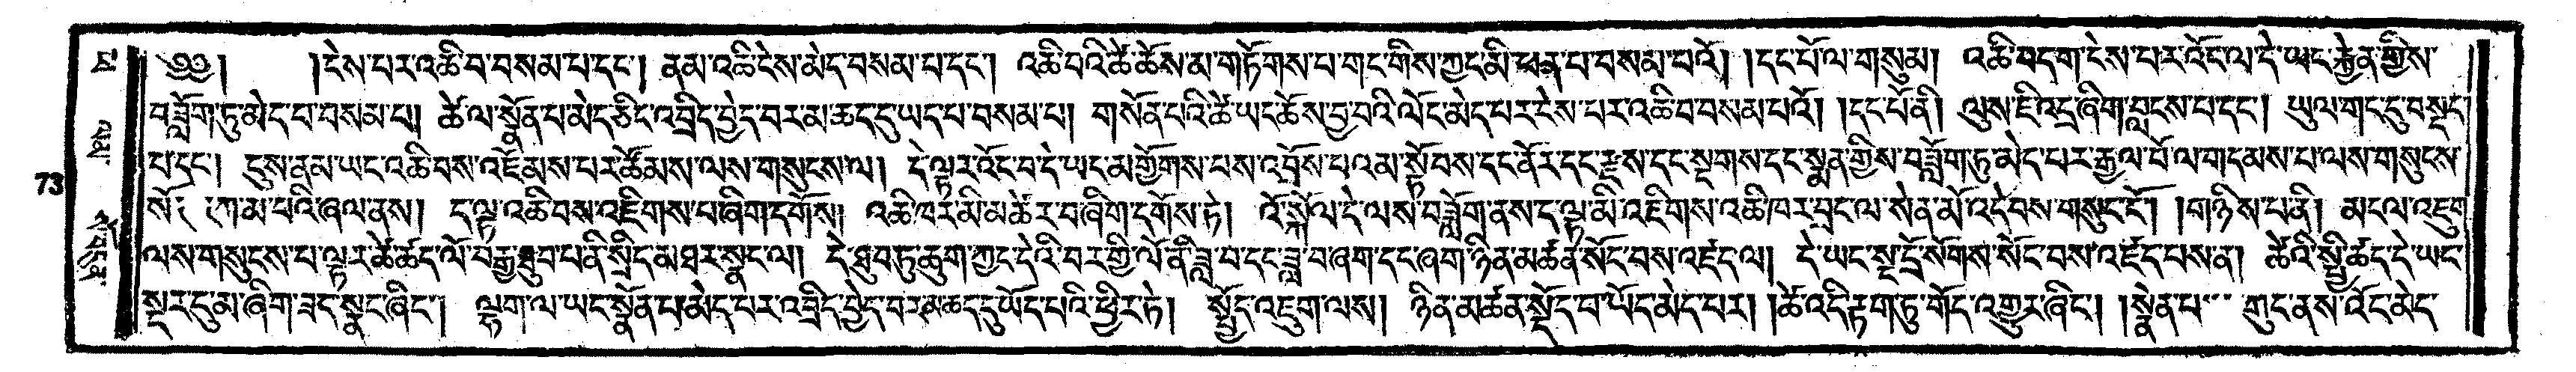༄༅། །ངེས་པར་འཆི་བ་བསམ་པ་དང་། ནམ་འཆི་ངེས་མེད་བསམ་པ་དང་། འཆི་བའི་ཚེ་ཆོས་མ་གཏོགས་པ་གང་གིས་ཀྱང་མི་ཕན་པ་བསམ་པའོ། །དང་པོ་ལ་གསུམ། འཆི་བདག་ངེས་པར་འོང་ལ་དེ་ཡང་རྐྱེན་གྱིས་
བཟློག་ཏུ་མེད་བ་བསམ་པ། ཚེ་ལ་སྣོན་པ་མེད་ཅིང་འབྲིད་བྱེད་བར་མ་ཆད་དུ་ཡད་པ་བསམ་པ། གསོན་པའི་ཚེ་ཡང་ཆོས་བྱ་བའི་ལོང་མེད་པར་ངེས་པར་འཆི་བ་བསམ་པའོ། །དང་པོ་ནི། ལུས་ཇི་འདྲ་ཞིག་བླངས་པ་དང་། ཡུལ་གང་དུ་བསྡད་
པ་དང་། དུས་ནམ་ཡང་འཆི་བས་འཇོམས་པར་ཚོམས་ལས་གསུངས་ལ། དེ་ལྟར་འོང་བ་དེ་ཡང་མགྱོགས་པས་འབྲོས་པའམ་སྟོབས་དང་ནོར་དང་རྫས་དང་སྔགས་དང་སྨན་གྱིས་བཟློག་ཏུ་མེད་པར་རྒྱལ་པོ་ལ་གདམས་པ་ལས་གསུངས་
སོ༑ ༑ཀ་མ་པའི་ཞལ་ནས། ད་ལྟ་འཆི་བས་འཇིགས་པ་ཞིག་དགོས། འཆི་བར་མི་མཚེར་བ་ཞིག་དགོས་ཏེ། འོ་སྐོལ་དེ་ལས་བཟློག་ནས་ད་ལྟ་མི་འཇིགས་འཆི་ཁར་བྲང་ལ་སེན་མོ་འདེབས་གསུང་ངོ། །གཉིས་པ་ནི། མངལ་འཇུག་
ལས་གསུངས་པ་ལྟར་ཚེ་ཚད་ལོ་བརྒྱ་ཐུབ་པ་ནི་སྲིད་མཐར་སྣང་ལ། དེ་ཐུབ་ཏུ་ཆུག་ཀྱང་དེའི་བར་གྱི་ལོ་ནི་ཟླ་བ་ཞག་དང་ཞག་ཉིན་མཚན་སོང་བས་འཛད་ལ། དེ་ཡང་སྔ་དྲོ་སོགས་སོང་བས་འཛད་པས་ན། ཚེའི་སྤྱི་ཚད་དེ་ཡང་
སྔར་དུ་མ་ཞིག་ཟད་སྣང་ཞིང་། ལྷག་ལ་ཡང་སྣོན་པ་མེད་པར་འབྲིད་བྱེད་བར་མ་ཆད་དུ་ཡོད་པའི་ཕྱིར་ཏེ། སྤྱོད་འཇུག་ལས། ཉིན་མཚན་སྡོད་པ་ཡོད་མེད་པར། །ཚེ་འདི་རྟག་ཏུ་གོད་འགྱུར་ཞིང་། །སྣེན་པ་གུང་ནས་འོང་མེད་